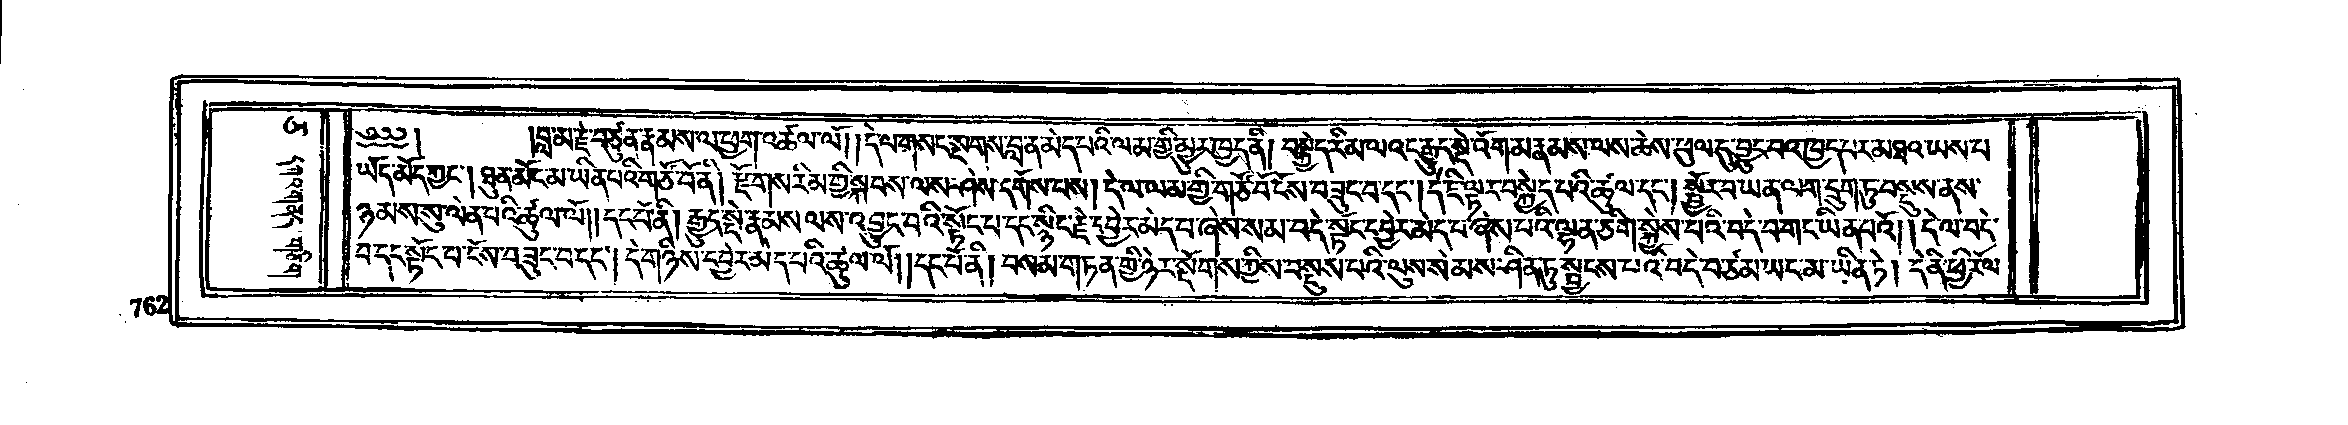༄༅༅། །བླ་མ་རྗེ་བཙུན་རྣམས་ལ་ཕྱག་འཚལ་ལོ། །དེ་ལ་གསང་སྔགས་བླ་ན་མེད་པའི་ལམ་གྱི་མྱུར་ཁྱད་ནི། བསྐྱེད་རིམ་ལའང་རྒྱུད་སྡེ་འོག་མ་རྣམས་ལས་ཆོས་ཕུལ་དུ་བྱུང་བའི་ཁྱད་པར་མཐའ་ཡས་པ་
ཡོད་མོད་ཀྱང་། ཐུན་མོང་མ་ཡིན་པའི་གཙོ་བོ་ནི། རྫོགས་རིམ་གྱི་སྐབས་ལས་ཤེས་དགོས་པས། དེ་ལ་ལམ་གྱི་གཙོ་བོ་ངོས་བཟུང་བ་དང་། དེ་ཇི་ལྟར་བསྐྱེད་པའི་ཚུལ་དང་། སྦྱོར་བ་ཡན་ལག་དྲུག་ཏུ་བསྡུས་ནས་
ཉམས་སུ་ལེན་པའི་ཚུལ་ལོ། །དང་པོ་ནི། རྒྱུད་སྡེ་རྣམས་ལས་འབྱུང་བའི་སྟོང་པ་དང་སྙིང་རྗེ་དབྱེར་མེད་པ་ཞེས་སམ་བདེ་སྟོང་དབྱེར་མེད་པ་ཞེས་པའི་ལྷན་ཅིག་སྐྱེས་པའི་བདེ་བ་གང་ཡིན་པའོ། །དེ་ལ་བདེ་
བ་དང་སྟོང་པ་ངོས་བཟུང་བ་དང་། དེ་གཉིས་དབྱེར་མེད་པའི་ཚུལ་ལོ། །དང་པོ་ནི། བསམ་གཏན་གྱི་ཉེར་སྡོགས་ཀྱིས་བསྡུས་པའི་ལུས་སེམས་ཤིན་ཏུ་སྦྱངས་པའི་བདེ་བ་ཙམ་ཡང་མ་ཡིན་ཏེ། དེ་ནི་ཕྱི་རོལ་